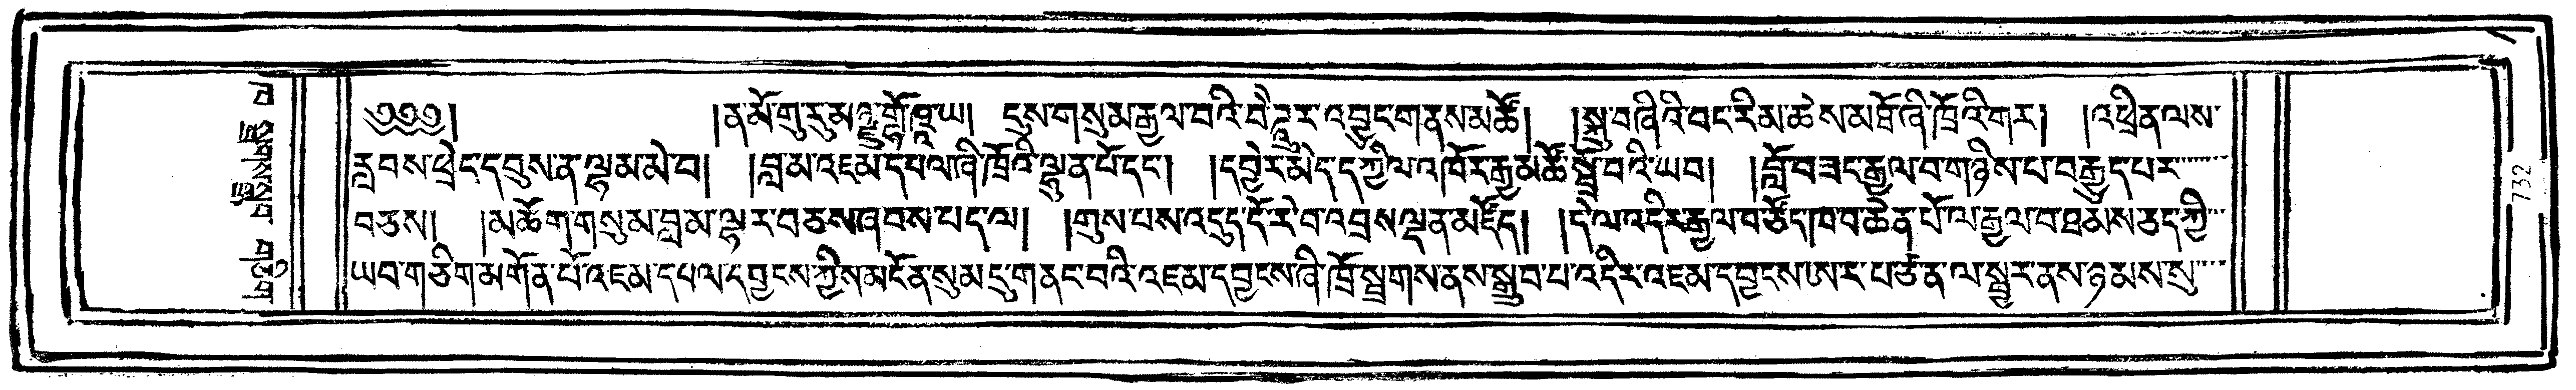༄༅༅། །ན་མོ་གུ་རུ་མཉྫུ་གྷོ་ཥཱ་ཡ། དུས་གསུམ་རྒྱལ་བའི་བཻཌཱུར་འབྱུང་གནས་མཚོ། །སྐུ་བཞིའི་བང་རིམ་ཆེས་མཐོ་ཞི་ཁྲོའི་གར། །འཕྲིན་ལས་
རླབས་ཕྲེང་དབུས་ན་ལྷམ་མེ་བ། །བླ་མ་འཇམ་དཔལ་ཞི་ཁྲོའི་ལྷུན་པོ་དང་། །དབྱེར་མེད་དཀྱིལ་འཁོར་རྒྱ་མཚོ་སྦྲོ་བའི་ཡབ། །བློ་བཟང་རྒྱལ་བ་གཉིས་པ་བརྒྱུད་པར་
བཅས། །མཆོག་གསུམ་བླ་མ་ལྷར་བཅས་ཞབས་པད་ལ། །གུས་པས་འདུད་དོ་རེ་བ་འབྲས་ལྡན་མཛོད། །དེ་ལ་འདིར་རྒྱལ་བ་ཙོང་ཁ་བ་ཆེན་པོ་ལ་རྒྱལ་བ་ཐམས་ཅད་ཀྱི་
ཡབ་གཅིག་མགོན་པོ་འཇམ་དཔལ་དབྱངས་ཀྱིས་མངོན་སུམ་དུ་གནང་བའི་འཇམ་དབྱངས་ཞི་ཁྲོ་སྦྲགས་ནས་སྒྲུབ་པ་འདིར་འཇམ་དབྱངས་ཨ་ར་པ་ཙ་ན་ལ་སྦྱར་ནས་ཉམས་སུ་